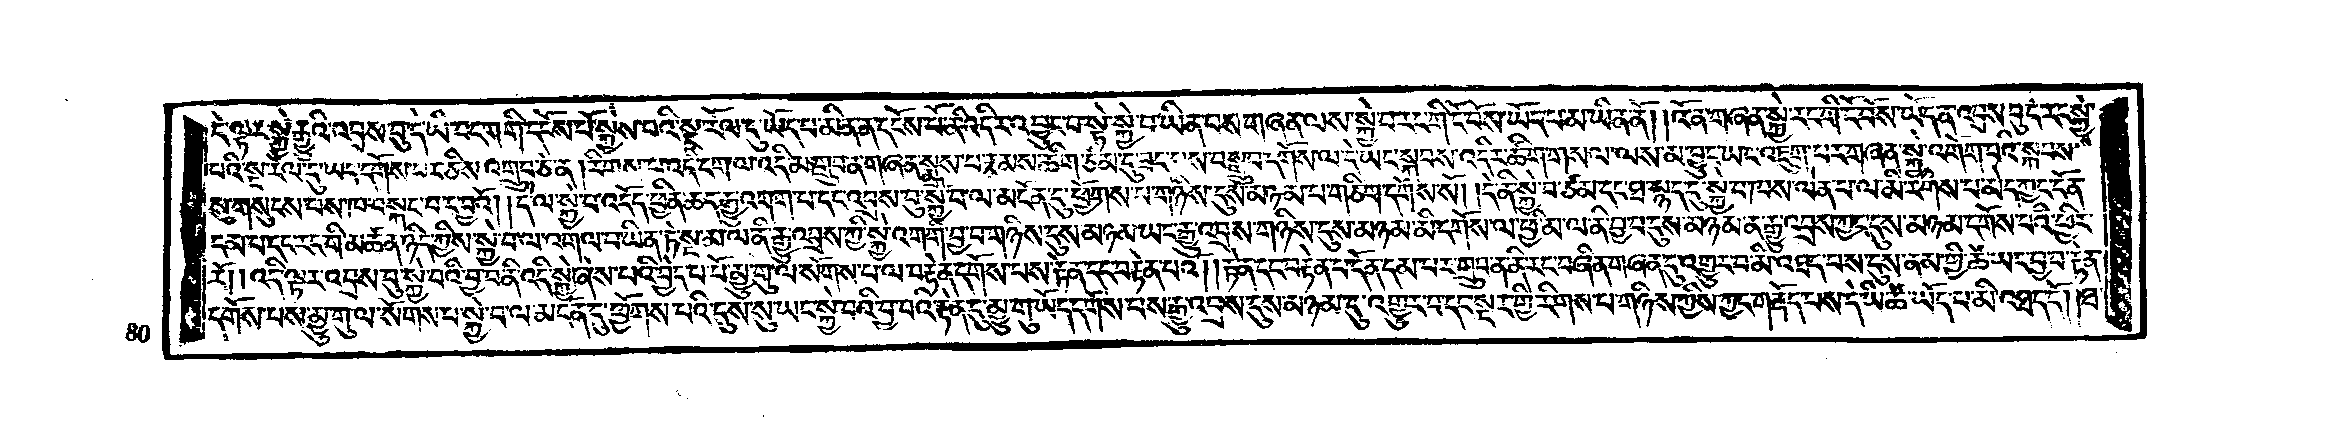དེ་ལྟར་སྐྱེ་རྒྱུའི་འབྲས་བུ་དེ་ཡི་བདག་གི་དངོས་པོ་སྐྱེས་པའི་སྔ་རོལ་དུ་ཡོད་པ་མིན་ན་དངོས་པོ་ནི་འདིར་འབྱུང་བ་སྟེ་སྐྱེ་བ་ཡིན་པས་གཞན་ལས་སྐྱེ་བ་རང་གི་ངོ་བོས་ཡོད་པ་མ་ཡིན་ནོ། །འོ་ན་གཞན་སྐྱེ་རང་གི་ངོ་བོས་ཡོད་ན་འབྲས་བུ་དེ་རང་སྐྱེ་
པའི་སྔ་རོལ་དུ་ཡོད་དགོས་པར་ཅིས་འགྲུབ་ཅེ་ན། རིགས་པ་འདི་དག་ལ་འདི་མ་གྲུབ་ན་གཞན་སྨྲས་པ་རྣམས་ཚིག་ཙམ་དུ་ཟད་པས་བསྒྲུབ་དགོས་ལ་དེ་ཡང་སྐབས་འདིར་ཚིག་གསལ་ལས་མ་བྱུང་ཡང་འཇུག་པར་གཞན་སྐྱེ་འགོག་པའི་སྐབས་
སུ་གསུངས་པས་ཁ་བསྐང་བར་བྱའོ། །དེ་ལ་སྐྱེ་བ་འདོད་ཕྱིན་ཆད་རྒྱུ་འགག་པ་དང་འབྲས་བུ་སྐྱེ་བ་ལ་མངོན་དུ་ཕྱོགས་པ་གཉིས་དུས་མཉམ་པ་གཅིག་དགོས་སོ། །དེ་ནི་སྐྱེ་བ་ཙམ་དང་ཐ་སྙད་དུ་སྐྱེ་བ་ཁས་ལེན་པ་ལ་མི་རིགས་པ་མེད་ཀྱང་དོན་
དམ་པ་དང་རང་གི་མཚན་ཉིད་ཀྱིས་སྐྱེ་བ་ལ་འགལ་བ་ཡིན་ཏེ་སྔ་མ་ནི་རྒྱུ་འབྲས་ཀྱི་སྐྱེ་འགག་གི་བྱ་བ་གཉིས་དུས་མཉམ་ཡང་རྒྱུ་འབྲས་གཉིས་དུས་མཉམ་མི་དགོས་ལ་ཕྱི་མ་ལ་ནི་བྱ་བ་དུས་མཉམ་ན་རྒྱུ་འབྲས་ཀྱང་དུས་མཉམ་དགོས་པའི་ཕྱིར་
རོ། །འདི་ལྟར་འབྲས་བུ་སྐྱེ་བའི་བྱ་བ་ནི་འདི་སྐྱེ་ཞེས་པའི་བྱེད་པ་པོ་མྱུ་གུ་ལ་སོགས་པ་ལ་བརྟེན་དགོས་པས་བརྟེན་དང་བརྟེན་པའོ། །རྟེན་དང་བརྟེན་པ་དོན་དམ་པར་གྲུབ་ན་ནི་རང་བཞིན་གཞན་དུ་འགྱུར་བ་མི་འཐད་པས་དུས་ནམ་གྱི་ཚེ་ཡང་བྱ་བ་རྟེན་
དགོས་པས་མྱུ་གུ་ལ་སོགས་པ་སྐྱེ་བ་ལ་མངོན་དུ་ཕྱོགས་པའི་དུས་སུ་ཡང་སྐྱེ་བའི་བྱ་བའི་རྟེན་དུ་མྱུ་གུ་ཡོད་དགོས་པས་རྒྱུ་འབྲས་དུས་མཉམ་དུ་འགྱུར་བ་དང་སྔར་གྱི་རིགས་པ་གཉིས་ཀྱིས་ཀྱང་གནོད་པས་དེ་ཡི་ཚེ་ཡོད་པ་མི་འཐད་དོ། །ཐ་